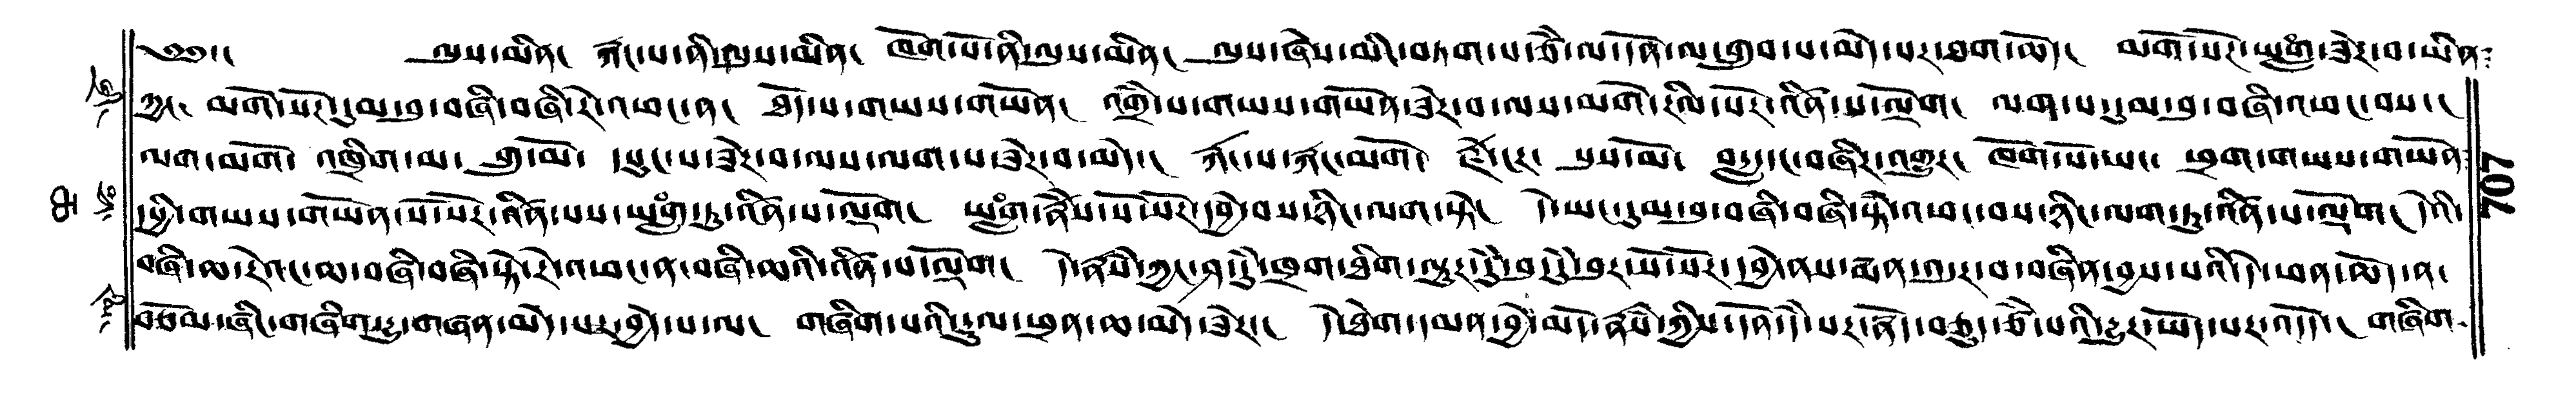ལུས་མིན། རྐང་པ་ནི་ལུས་མིན། ཁོག་པ་ནི་ལུས་མིན། ལུས་ཞེས་མིང་བཏགས་པ་ཙམ་ལས་དོན་ལ་གྲུབ་པ་མེད་པར་ཐག་ཆོད། མགོ་སོགས་ཡན་ལག་ཟེར་བ་ཡིན་
ཀྱང་། མགོ་སོགས་དུམ་བུ་བཞི་བཞི་རེ་འཕང་ན། ཐོད་པ་གཡས་གཡོན། འགྲམ་པ་གཡས་གཡོན་ཟེར་བ་ལས་མགོ་རིལ་པོར་འཛིན་པ་ལྡོག ལག་པ་དུམ་བུ་བཞིར་འཕང་བས། 
ལག་མགོ་འཁྲིག་མ་གྲུ་མོ། དཔུང་པ་ཟེར་བ་ལས་ལག་པ་ཟེར་བ་མེད། རྐང་པ་རྐང་མགོ་རྗེ་ངར་སུམ་མདོ། བརླ་དང་བཞིར་འགྱུར། ཁོག་པ་ཡང་ཕྲག་གཡས་གཡོན༴ 
དཔྱི་གཡས་གཡོན་སོ་སོར་འཛིན་པས་ཡན་ལག་ཏུ་འཛིན་པ་ལྡོག ཡན་ལག་རྣམས་སོ་སོར་དབྱེ་བས་ཉིང་ལག་སྟེ། དེ་ཡང་དུམ་བུ་བཞི་བཞི་སྟེ་འཕང་བས་ཉིང་ལག་ཏུ་འཛིན་པ་ལྡོག དེའི་
བཞི་ཆ་རེའང་ཆ་བཞི་བཞི་སྟེ་རེ་འཕང་ན་བཞི་ཆའི་འཛིན་པ་ལྡོགདེ་རྣམས་ཀྱང་ཤ་དུམ་ཁྲག་ཐིག་ལྟ་བུར་དུམ་བུ་དུམ་བུར་སོ་སོར་དབྱེ་ནས་སྨན་འདུལ་བ་བཞིན་བྱས་པའི་དེ་ཕན་ཆོད་ན་
བཅོམ་ཞིང་གཞིག་རྒྱུ་གཞན་མེད་པར་བྱེད་པ་ལ། གཞིག་པའི་རྡུལ་ཕྲན་ཆ་མེད་ཟེར། དེ་ཐེག་དམན་བྱེ་མདོ་རྣམས་ཀྱིས་དོན་དམ་པར་སྣོད་བཅུད་རྩོམ་པའི་རྒྱུར་ཡོད་པར་འདོད། གཞིག་